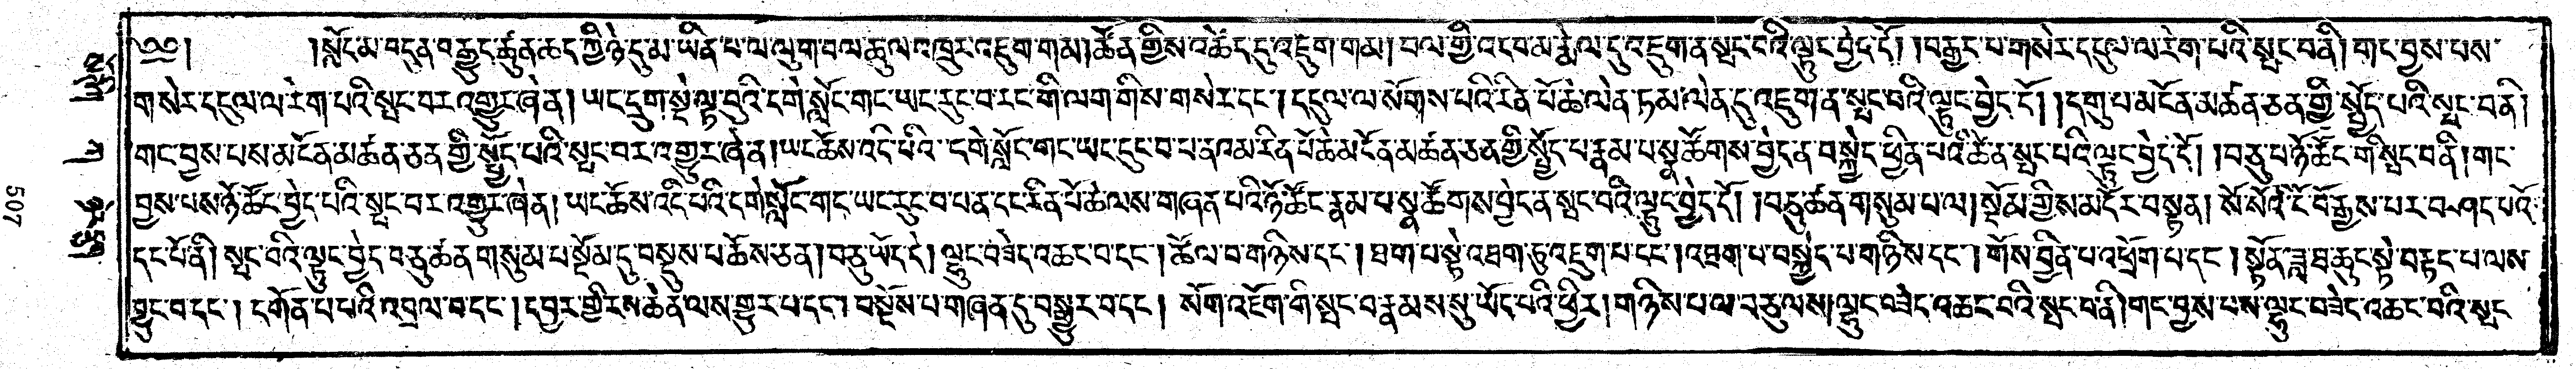༄༅། །སློང་མ་བདུན་བརྒྱུད་ཚུན་ཆད་ཀྱི་ཉེ་དུ་མ་ཡིན་པ་ལ་ལུག་བལ་ཆུ་ལ་འཁྲུར་འཇུག་གམ། ཚོན་གྱིས་འཚེད་དུ་འཇུག་གམ། བལ་གྱི་འདབ་མ་རྨེལ་དུ་འཇུག་ན་སྤང་བའི་ལྟུང་བྱེད་དོ། །བརྒྱད་པ་གསེར་དངུལ་ལ་རེག་པའི་སྤང་བ་ནི། གང་བྱས་པས་
གསེར་དངུལ་ལ་རེག་པའི་སྤང་བར་འགྱུར་ཞེ་ན། ཡང་དྲུག་སྡེ་ལྟ་བུའི་དགེ་སློང་གང་ཡང་རུང་བ་རང་གི་ལག་གིས་གསེར་དང་། དངུལ་ལ་སོགས་པའི་རིན་པོ་ཆེ་ལེན་ཏམ་ལེན་དུ་འཇུག་ན་སྤང་བའི་ལྟུང་བྱེད་དོ། །དགུ་པ་མངོན་མཚན་ཅན་གྱི་སྤྱོད་པའི་སྤང་བ་ནི།
གང་བྱས་པས་མངོན་མཚན་ཅན་གྱི་སྤྱོད་པའི་སྤང་བར་འགྱུར་ཞེ་ན། ཡང་ཆོས་འདི་པའི་དགེ་སློང་གང་ཡང་དུང་བ་པ་ནའམ་རིན་པོ་ཆེ་མངོན་མཚན་ཅན་གྱི་སྤྱོད་པ་རྣམ་པ་སྣ་ཚོགས་བྱེད་ན་བསྐྱེད་ཕྱིན་པའི་ཚེ་ན་སྤང་པའི་ལྟུང་བྱེད་དོ། །བཅུ་པ་ཉོ་ཚོང་གི་སྤང་བ་ནི། གང་
བྱས་པས་ཉོ་ཚོང་བྱེད་པའི་སྤང་བར་འགྱུར་ཞེ་ན། ཡང་ཆོས་འདི་པའི་དགེ་སློང་གང་ཡང་རུང་བ་པ་ན་དང་རིན་པོ་ཆེ་ལས་གཞན་པའི་ཉོ་ཚོང་རྣམ་པ་སྣ་ཚོགས་བྱེད་ན་སྤང་བའི་ལྟུང་བྱེད་དོ། །བཅུ་ཚན་གསུམ་པ་ལ། སྡོམ་གྱིས་མདོར་བསྟན། སོ་སོའི་ངོ་བོ་རྒྱས་པར་བཤད་པའོ་
དང་པོ་ནི། སྤང་བའི་ལྟུང་བྱེད་བཅུ་ཚན་གསུམ་པ་སྡོམ་དུ་བསྡུས་པ་ཆོས་ཅན། བཅུ་ཡོད་དེ། ལྷུང་བཟེད་འཆང་བ་དང་། ཚོལ་བ་གཉིས་དང་། ཐག་པ་སྟེ་འཐག་ཏུ་འཇུག་པ་དང་། འཐག་པ་བསྐྱེད་པ་གཉིས་དང་། གོས་བྱིན་པ་འཕྲོག་པ་དང་། སྟོན་ཟླ་ཐ་ཆུང་སྟེ་བརྟང་པ་ལས་
བྱུང་བ་དང་། དགོན་པ་པའི་འབྲལ་བ་དང་། དབྱར་གྱི་རས་ཆེན་ལས་གྱུར་པ་དང་། བསྔོས་པ་གཞན་དུ་བསྒྱུར་བ་དང་། སོག་འཇོག་གི་སྤང་བ་རྣམས་སུ་ཡོད་པའི་ཕྱིར། གཉིས་པ་ལ་བཅུ་ལས། ལྷུང་བཟེད་འཆང་བའི་སྤང་བ་ནི། གང་བྱས་པས་ལྷུང་བཟེད་འཆང་བའི་སྤང་